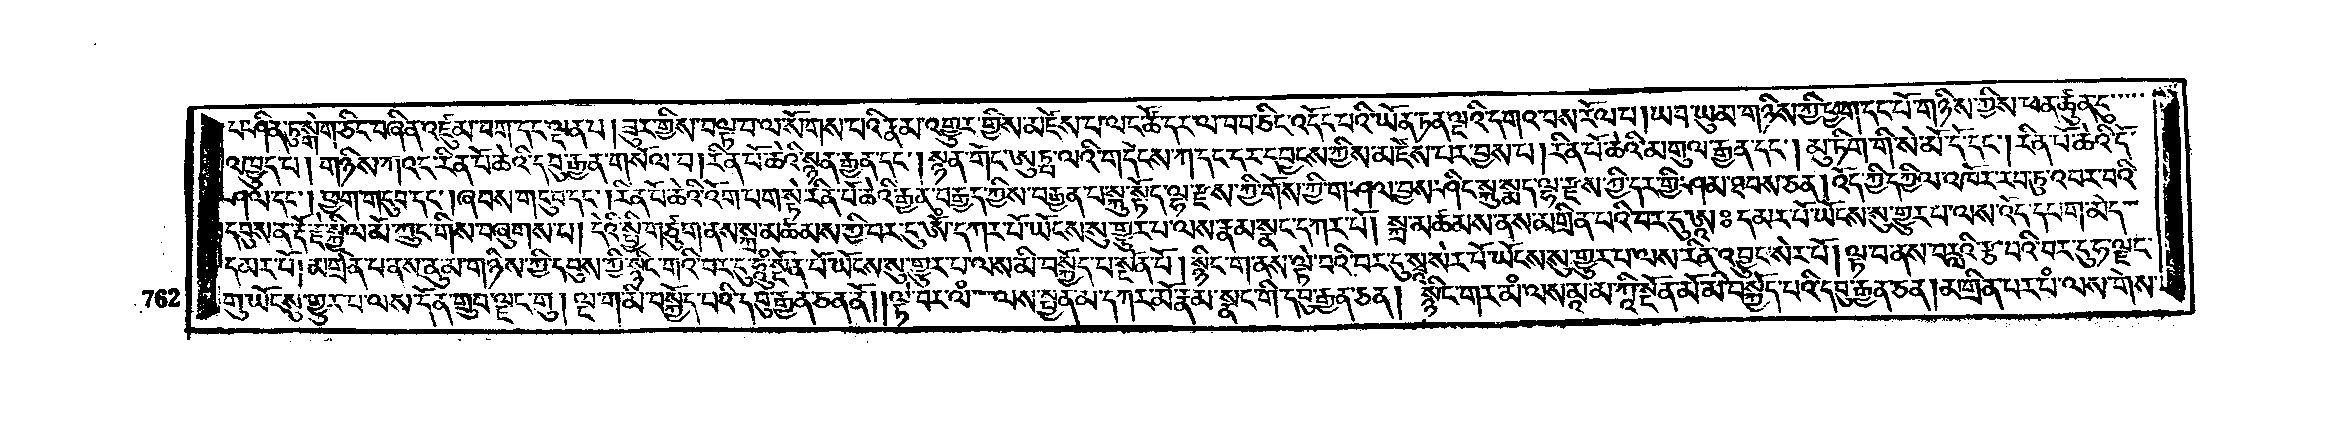པ་ཤིན་ཏུ་སྒེག་ཅིང་བཞིན་འཛུམ་བག་དང་ལྡན་པ། ཟུར་གྱིས་བལྟ་བ་ལ་སོགས་པའི་རྣམ་འགྱུར་གྱིས་མཛེས་པ་ལང་ཚོ་དར་ལ་བབ་ཅིང་འདོད་པའི་ཡོན་ཏན་ལྔའི་དགའ་བས་རོལ་པ། ཡབ་ཡུམ་གཉིས་ཀྱི་ཕྱག་དང་པོ་གཉིས་ཀྱིས་ཕན་ཚུན་དུ་
འཁྱུད་པ། གཉིས་ཀའང་རིན་པོ་ཆེའི་དབུ་རྒྱན་གསོལ་བ། རིན་པོ་ཆེའི་སྙན་རྒྱན་དང་། སྙན་གོང་ཨུཏྤ་ལའི་གདེངས་ཀ་དང་དར་དབྱངས་ཀྱིས་མཛེས་པར་བྱས་པ། རིན་པོ་ཆེའི་མགུལ་རྒྱན་དང་། མུ་ཏིག་གི་སེ་མོ་དོ་དང་། རིན་པོ་ཆེའི་དོ་
ཤལ་དང་། ཕྱག་གདུབ་དང་། ཞབས་གདུབ་དང་། རིན་པོ་ཆེའི་འོག་པག་སྟེ་རིན་པོ་ཆེའི་རྒྱན་བརྒྱད་ཀྱིས་བརྒྱན་པ་སྐུ་སྟོད་ལྷ་རྫས་ཀྱི་གོས་ཀྱི་ག་ཤལ་བྱས་ཤིང་སྐུ་སྨད་ལྷ་རྫས་ཀྱི་དར་གྱི་ཤམ་ཐབས་ཅན། འོད་ཀྱི་དཀྱིལ་འཁོར་རབ་ཏུ་འབར་བའི་
དབུས་ན་རྡོ་རྗེ་སྐྱིལ་མོ་ཀྲུང་གིས་བཞུགས་པ། དེའི་སྤྱི་གཙུག་ནས་སྐྲ་མཚམས་ཀྱི་བར་དུ་ཨོཾ་དཀར་པོ་ཡོངས་སུ་གྱུར་པ་ལས་རྣམ་སྣང་དཀར་པོ། སྐྲ་མཚམས་ནས་མགྲིན་པའི་བར་དུ་ཨཱཿ དམར་པོ་ཡོངས་སུ་གྱུར་པ་ལས་འོད་དཔག་མེད་
དམར་པོ། མགྲིན་པ་ནས་ནུ་མ་གཉིས་ཀྱི་དབུས་ཀྱི་སྙིང་གའི་བར་དུ་ཧཱུཾ་སྔོན་པོ་ཡོངས་སུ་གྱུར་པ་ལས་མི་བསྐྱོད་པ་སྔོན་པོ། སྙིང་ག་ནས་ལྟེ་བའི་བར་དུ་སྭཱ་སེར་པོ་ཡོངས་སུ་གྱུར་པ་ལས་རིན་འབྱུང་སེར་པོ། ལྟ་བ་ནས་བརླའི་རྩ་བའི་བར་དུ་ཧ་ལྗང་
གུ་ཡོངས་སུ་གྱུར་པ་ལས་དོན་གྲུབ་ལྗང་གུ། ལྔ་ག་མི་བསྐྱོད་པའི་དབུ་རྒྱན་ཅན་ནོ། །ལྟེ་བར་ལཾ་ལས་སྤྱན་མ་དཀར་མོ་རྣམ་སྣང་གི་དབུ་རྒྱན་ཅན། སྙིང་གར་མཾ་ལས་མཱ་མ་ཀཱི་སྔོན་མོ་མི་བསྐྱོད་པའི་དབུ་རྒྱན་ཅན། མགྲིན་པར་པཾ་ལས་གོས་